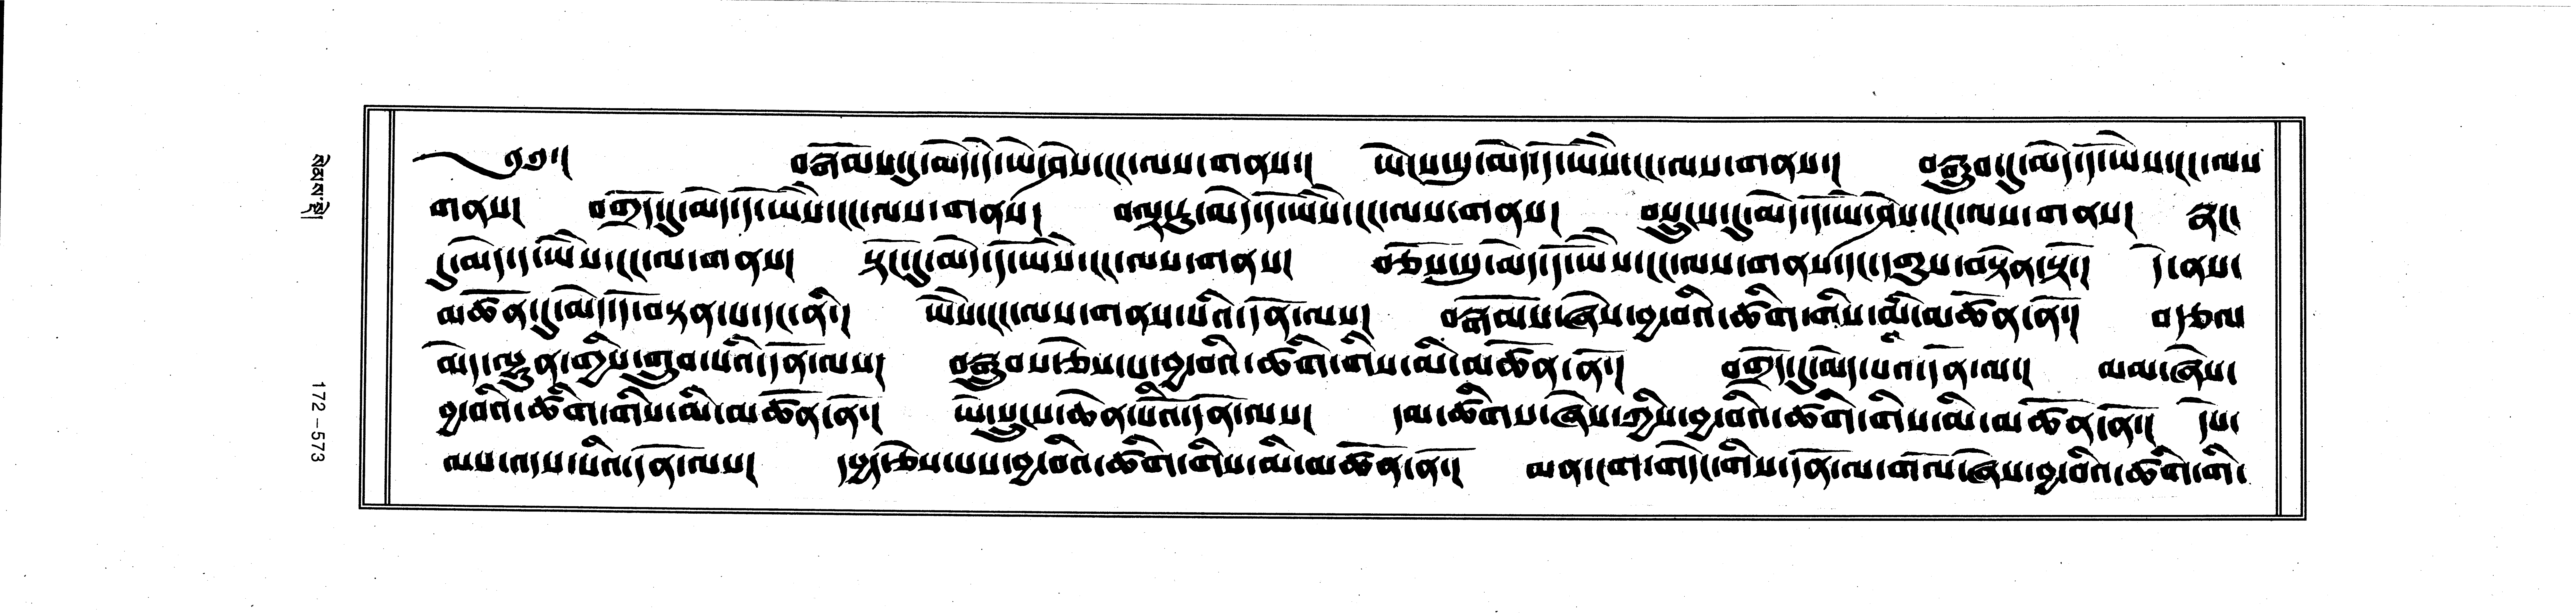བསྒོམས་དུ་མེད་དེ་ཡེ་ཤེས་ངང་ལས་གནས། གཡེངས་སུ་མེད་དོ་ཡེ་ཤེས་ངང་ལ་གནས། བསྒྲུབ་དུ་མེད་དོ་ཡེ་ཤེས་ངང་ལས་
གནས། བགྲོད་དུ་མེད་དོ་ཡེ་ཤེས་ངང་ལ་གནས། བལྟ་རུ་མེད་དོ་ཡེ་ཤེས་ངང་ལས་གནས། བསྲུངས་དུ་མེད་དོ་ཡེ་ཤེས་ངང་ལས་གནས། སྣང་
དུ་མེད་དོ་ཡེ་ཤེས་ངང་ལ་གནས། སྟོང་དུ་མེད་དོ་ཡེ་ཤེས་ངང་ལས་གནས། བཅོས་སུ་མེད་དོ་ཡེ་ཤེས་ངང་ལས་གནས་དང་དགུས་བསྟེན་སྟོ། དེ་ནས་
མཚོན་དུ་མེད་དོ་བསྟན་པ་དང་ནི། ཡེ་ཤེས་ངང་ལས་གནས་པའི་དོན་ལས། བསྒོམས་ཞེས་བྱ་བའི་ཚིག་གིས་མི་མཚོན་ནོ། བརྩལ་
མེད་ལྷུན་གྱིས་གྲུབ་པའི་དོན་ལས། བསྒྲུབས་ཅེས་པ་བྱ་བའི་ཚིག་གིས་མི་མཚོན་ནོ། བགྲོད་དུ་མེད་པའི་དོན་ལ། ལམ་ཞེས་
བྱ་བའི་ཚིག་གི་མི་མཚོན་ནོ། ཡེ་སྲུངས་ཆེན་པོའི་དོན་ལས། དམ་ཚིགས་ཞེས་ཀྱིས་བྱ་བའི་ཚིག་གིས་མི་མཚོན་ནོ། དཔེ་
ལས་འདས་པའི་དོན་ལས། དཔྱད་ཅེས་པས་བྱ་བའི་ཚིག་གིས་མི་མཚོན་ནོ། མན་ངག་གདེང་གི་དོན་ལ་གོལ་ཞེས་བྱ་བའི་ཚིག་གི་